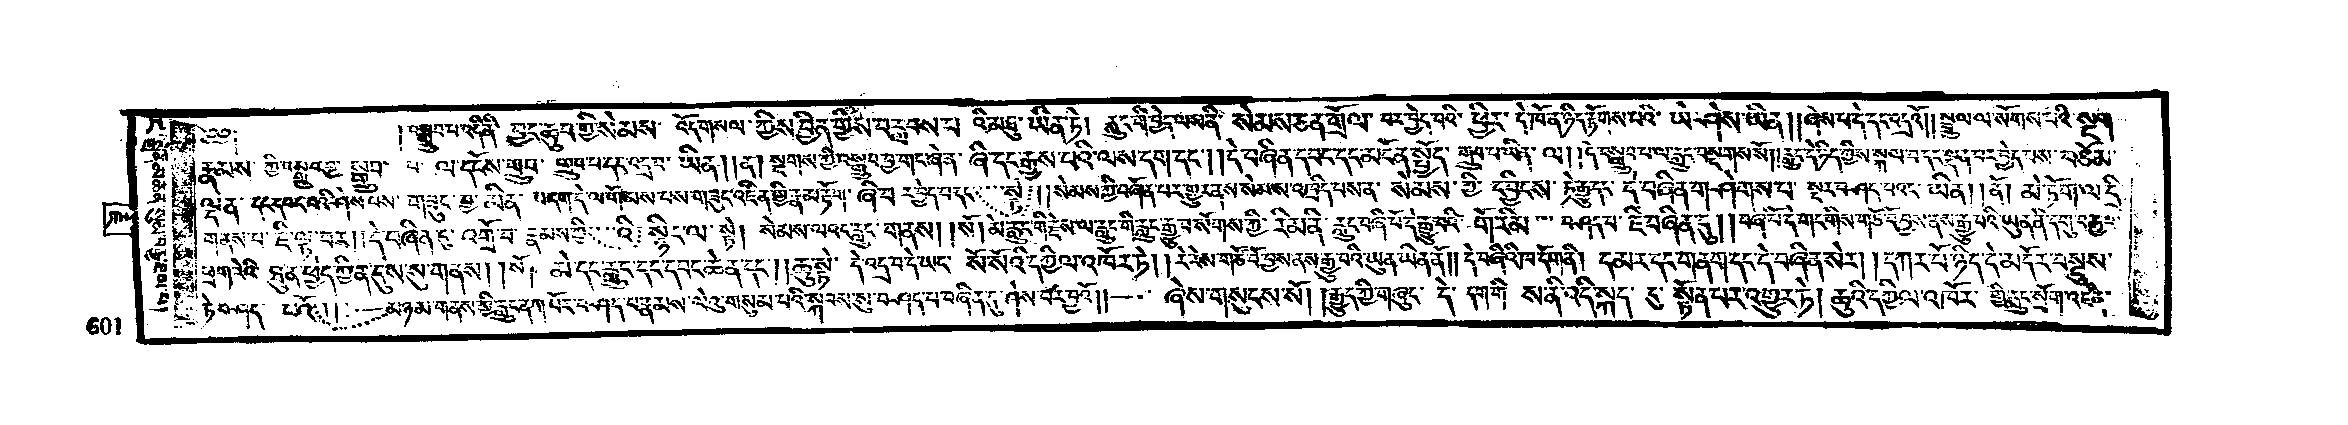༄༅། །བསྒྲུབ་པ་འདི་ནི་བྱང་ཆུབ་ཀྱི་སེམས་འོད་གསལ་གྱིས་བྱིན་གྱིས་བརླབས་པའི་མཐུ་ཡིན་ཏེ། རླུང་གི་བྱེད་ལས་ནི་སེམས་ཅན་གྲོལ་བར་བྱེད་པའི་ཕྱིར་དེ་ཁོ་ན་ཉིད་རྟོགས་པའི་ཡེ་ཤེས་ཡིན། །ཞེས་པ་དེ་དང་འདྲའོ། །སྦྲུལ་ལ་སོགས་པའི་སྔགས་
རྣམས་ཀྱི་བསྒྲུབ་བྱ་སྒྲུབ་པ་ལ་དངོས་གྲུབ་གྲུབ་པ་དང་འདྲ་བ་ཡིན། ། ན། སྔགས་ཀྱི་བསྒྲུབ་བྱ་གང་ཞེ་ན་ཞི་དང་རྒྱས་པའི་ལས་དག་དང་། །དེ་བཞིན་དབང་དང་མངོན་སྤྱོད་གྲུབ་པ་ཡིན་ལ། ། དེ་བསྒྲུབ་པ་ལ་རླུང་བསྔགས་སོ། །རླུང་དེ་ཉིད་ཀྱིས་སྐལ་བ་དང་ལྡན་པར་བྱེད་པས་བཅོམ་
ལྡན་དང་དབང་པོའི་ཤེས་པས་གཟུང་བྱ་མིན་པ་དག་དེ་ལ་གོམས་པས་གཟུང་འཛིན་གྱི་རྣམ་རྟོག་ཞི་བར་བྱེད་པ་དང་སྟེ། །སེམས་ཀྱི་བཞོན་པར་གྱུར་ནས་སེམས་འཁྲིད་པས་ན་སེམས་ཀྱི་དབྱིངས་ཏེ་རྒྱུ་དང་དེ་བཞིན་གཤེགས་པ་སྔར་བཤད་པའང་ཡིན། །ནོ། མེ་ཏོག་ལ་དྲི་
གནས་པ་ཇི་ལྟ་བར། །དེ་བཞིན་དུ་འགྲོ་བ་རྣམས་ཀྱི་འི་སྙིང་ལ་སྟེ། སེམས་ལའང་རླུང་གནས། །སོ། མེ་རླུང་གི་རྗེས་ལ་རླུང་གི་རླུང་རྒྱུ་བ་སོགས་ཀྱི་རིམ་ནི་རླུང་བཞི་པོ་དེ་རྒྱུ་བའི་གོ་རིམ་བཤད་པ་ཇི་བཞིན་དུ། །བཞི་པོ་དེ་གང་གིས་གཙོ་བོ་བྱས་ནས་རྒྱུ་བའི་ཡུན་ནི་དགུ་བརྒྱ་བ་
ཕྲག་རེའི་ཐུན་ཕྱེད་ཀྱི་ནི་དུས་སུ་གནས། །སོ། མེ་དང་རླུང་དང་དབང་ཆེན་དང་། །ཆུ་སྟེ་དེ་འདྲ་བ་དེ་ཡང་སོ་སོའི་དཀྱིལ་འཁོར་ཏེ། །རེ་རེས་གཙོ་བོ་བྱས་ནས་རྒྱུ་བའི་ཡུན་ཡིན་ནོ། །དེ་བཞིའི་ཁ་དོག་ནི། དམར་དང་གནག་དང་དེ་བཞིན་སེར། །དཀར་པོ་ཉིད་དེ་མདོར་བསྡུས་
ཏེ་བཤད་པའོ།། H.་མཉམ་གནས་ཀྱི་རླུང་ནག་པོར་བཤད་པ་རྣམས་ལེའུ་གསུམ་པའི་སྐབས་སུ་བཤད་པ་བཞིན་དུ་ཤེས་པར་བྱའོ།། .H ཞེས་གསུངས་སོ། །རྒྱུད་ཀྱི་གཞུང་དེ་དག་གིས་ནི་འདི་སྐད་དུ་སྟོན་པར་འགྱུར་ཏེ། ཆུའི་དཀྱིལ་འཁོར་གྱི་རླུང་སྲོག་འཛིན་